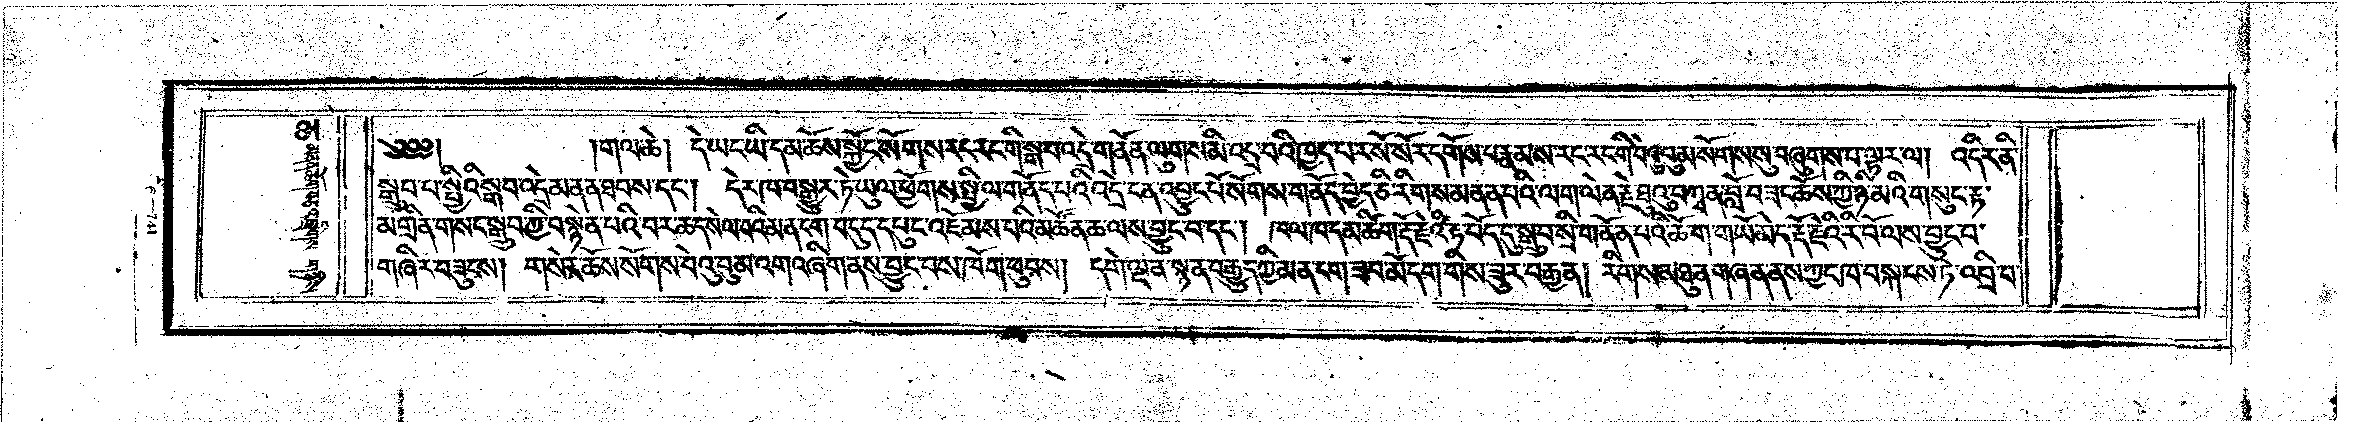༄༅༅། །གལ་ཆེ། དེ་ཡང་ཡི་དམ་ཆོས་སྐྱོང་སོགས་རང་རང་གི་སྒབ་འདྲེ་གནོན་ལུགས་མི་འདྲ་བའི་ཁྱད་པར་སོ་སོར་དགོས་པ་རྣམས་རང་རང་གི་བེའུ་བུམ་སོགས་སུ་བཞུགས་པ་ལྟར་ལ། འདིར་ནི་
སྒྲུབ་པ་སྤྱིའི་སྒབ་འདྲེ་མནན་ཐབས་དང་། དེར་ཁ་བསྒྱུར་ཏེ་ཡུལ་ཕྱོགས་སྤྱི་ལ་གནོད་པའི་འདྲེ་ངན་འབྱུང་པོ་སོགས་གནོད་བྱེད་ཅི་རིགས་མནན་པའི་ལག་ལེན་རྗེ་ཐུའུ་བཀྭན་བློ་བཟང་ཆོས་ཀྱི་ཉི་མའི་གསུང་རྟ་
མགྲིན་གསང་སྒྲུབ་ཀྱི་བསྙེན་པའི་བར་ཆད་སེལ་བའི་མན་ངག་བདུད་དཔུང་འཇོམས་པའི་མཚོན་ཆ་ལས་བྱུང་བ་དང་། ཁལ་ཁ་དམ་ཚིག་རྡོ་རྗེའི་རྟ་བོད་དུ་སྒྲུབ་སྲི་གནོན་པའི་ཆོ་ག་གཡོ་མེད་རྡོ་རྗེའི་རི་བོ་ལས་བྱུང་བ་
གཞིར་བཟུངས། གསེར་ཆོས་སོགས་བེའུ་བུམ་འགའ་ཞིག་ནས་བྱུང་བས་ཁོག་ཕུབས། དགེ་ལྡན་སྙན་བརྒྱུད་ཀྱི་མན་ངག་ཟབ་མོ་དག་གིས་ཟུར་བརྒྱན། རིགས་མཐུན་གཞན་ནས་ཀྱང་ཁ་བསྐངས་ཏེ་འབྲི་བ་